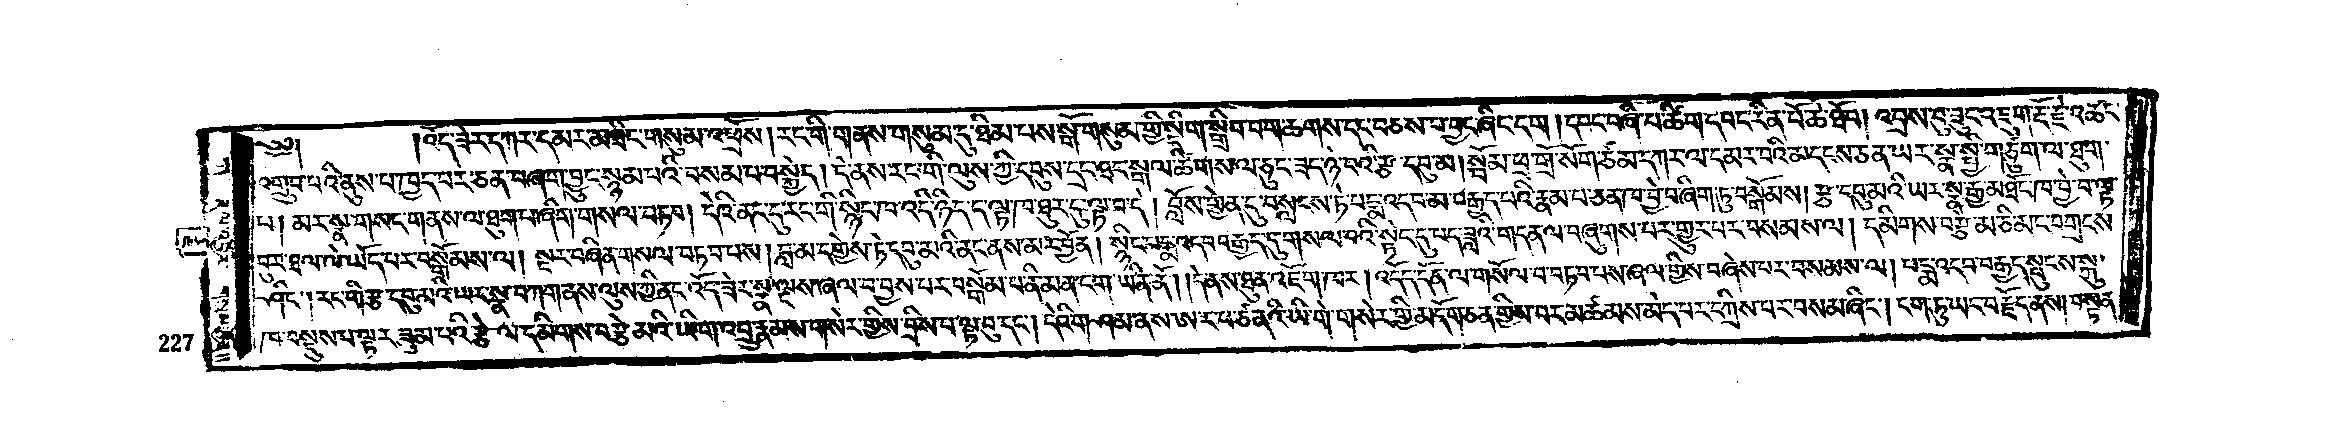༄༅། །འོད་ཟེར་དཀར་དམར་མཐིང་གསུམ་འཕྲོས། རང་གི་གནས་གསུམ་དུ་ཐིམ་པས་སྒོ་གསུམ་གྱི་སྡིག་སྒྲིབ་བག་ཆགས་དང་བཅས་པ་བྱང་ཞིང་དག །དབང་བཞི་པ་ཚིག་དབང་རིན་པོ་ཆེ་ཐོབ། འབྲས་བུ་ཟུང་འཇུག་རྡོ་རྗེ་འཚང་
འགྲུབ་པའི་ནུས་པ་ཁྱད་པར་ཅན་བཞག་བྱུང་སྙམ་པའི་བསམ་པ་བསྐྱེད། དེ་ནས་རང་གི་ལུས་ཀྱི་དབུས་དྲང་ཐང་སྒལ་ཚིགས་ལ་ཅུང་ཟད་ཉེ་བའི་རྩ་དབུ་མ། སྦོམ་ཕྲ་གྲོ་སོགས་ཙམ་དཀར་ལ་དམར་བའི་མདངས་ཅན་ཡར་སྣ་སྤྱི་གཙུག་ལ་ཐུག་
པ། མར་སྣ་གསང་གནས་ལ་ཐུག་པ་ཞིག་གསལ་བཏབ། དེའི་ནང་དུ་རང་གི་སྙིང་ཁ་འདི་ཉིད་ད་ལྟ་ཁ་ཐུར་དུ་ལྟ་བ་དེ། བློས་གྱེན་དུ་བསླངས་ཏེ་པདམ་འདབ་མ་བརྒྱད་པའི་རྣམ་པ་ཅན་ཁ་བྱེ་བ་ཞིག་ཏུ་བསྒོམས། རྩ་དབུ་མའི་ཡར་སྣ་རྒྱ་མཐོང་ཁ་བྱེ་བ་ལྟ་
བུར་ཐལ་ལེ་ཡོད་པར་བསྒོམས་ལ། སྔར་བཞིན་གསལ་བཏབ་པས། བླ་མ་དགྱེས་ཏེ་དབུ་མའི་ནང་ནས་མར་བྱོན། སྙིང་པདམ་འདབ་བརྒྱད་དུ་གསལ་བའི་སྟེང་དུ་པད་ཟླའི་གདན་ལ་བཞུགས་པར་གྱུར་པར་བསམས་ལ། དམིགས་བརྩེ་མ་ཅི་མང་བགྲངས་
ཤིང་། རང་གི་རྩ་དབུ་མའི་ཡར་སྣ་བཀག་ནས་ལུས་ཀྱི་ནང་འོད་ཟེར་སྣ་ལྔས་ཞལ་བ་བྱས་པར་བསྒོམ་པ་ནི་མན་ངག་ཡིན་ནོ། །དེ་ནས་ཐུན་འཇོག་ཁར། འདོད་དོན་ལ་གསོལ་བ་བཏབ་པས་ཞལ་གྱིས་བཞེས་པར་བསམས་ལ། པདམ་འདབ་བརྒྱད་སྤུངས་སྐུ་
ཁ་བསྡུས་པ་ལྟར་ཟུམ་པའི་རྩེ་ལ་དམིགས་བརྩེ་མའི་ཡིག་འབྲུ་རྣམས་གསེར་གྱིས་བྲིས་པ་ལྟ་བུ་དང་། དེའི་གཤམ་ནས་ཨ་ར་པ་ཙ་ནའི་ཡི་གེ་གསེར་གྱི་མདོག་ཅན་གྱིས་བར་མཚམས་མེད་པར་དཀྲིས་པར་བསམ་ཞིང་། ངག་ཏུ་ཡང་བརྗོད་ནས། བསྟན་